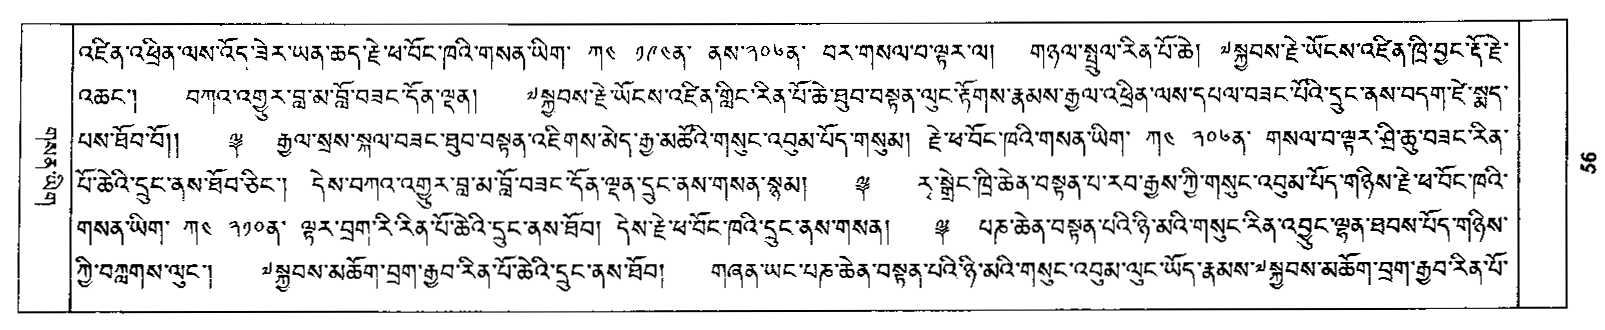འཛིན་འཕྲིན་ལས་འོད་ཟེར་ཡན་ཆད་རྗེ་ཕ་བོང་ཁའི་གསན་ཡིག་ཀ ༤ ༡༩༤་ན་ནས ༢༠༦་ན་བར་གསལ་བ་ལྟར་ལ། གཉལ་སྤྲུལ་རིན་པོ་ཆེ། ༧སྐྱབས་རྗེ་ཡོངས་འཛིན་ཁྲི་བྱང་རྡོ་རྗེ་
འཆང་། བཀའ་འགྱུར་བླ་མ་བློ་བཟང་དོན་ལྡན། ༧སྐྱབས་རྗེ་ཡོངས་འཛིན་གླིང་རིན་པོ་ཆེ་ཐུབ་བསྟན་ལུང་རྟོགས་རྣམས་རྒྱལ་འཕྲིན་ལས་དཔལ་བཟང་པོའི་དྲུང་ནས་བདག་རྗེ་སྨད་
པས་ཐོབ་བོ།། ༈ རྒྱལ་སྲས་སྐལ་བཟང་ཐུབ་བསྟན་འཇིགས་མེད་རྒྱ་མཚོའི་གསུང་འབུམ་པོད་གསུམ། རྗེ་ཕ་བོང་ཁའི་གསན་ཡིག་ཀ ༤ ༢༠༦་ན་གསལ་བ་ལྟར་ཤྲི་ཆུ་བཟང་རིན་
པོ་ཆེའི་དྲུང་ནས་ཐོབ་ཅིང་། དེས་བཀའ་འགྱུར་བླ་མ་བློ་བཟང་དོན་ལྡན་དྲུང་ནས་གསན་སྙམ། ༈ རྭ་སྒྲེང་ཁྲི་ཆེན་བསྟན་པ་རབ་རྒྱས་ཀྱི་གསུང་འབུམ་པོད་གཉིས་རྗེ་ཕ་བོང་ཁའི་
གསན་ཡིག་ཀ ༤ ༢༡༠་ན་ལྟར་བྲག་རི་རིན་པོ་ཆེའི་དྲུང་ནས་ཐོབ། དེས་རྗེ་ཕ་བོང་ཁའི་དྲུང་ནས་གསན། ༈ པཎ་ཆེན་བསྟན་པའི་ཉི་མའི་གསུང་རིན་འབྱུང་ལྷན་ཐབས་པོད་གཉིས་
ཀྱི་བཀླགས་ལུང་། ༧སྐྱབས་མཆོག་བྲག་རྒྱབ་རིན་པོ་ཆེའི་དྲུང་ནས་ཐོབ། གཞན་ཡང་པཎ་ཆེན་བསྟན་པའི་ཉི་མའི་གསུང་འབུམ་ལུང་ཡོད་རྣམས་༧སྐྱབས་མཆོག་བྲག་རྒྱབ་རིན་པོ་